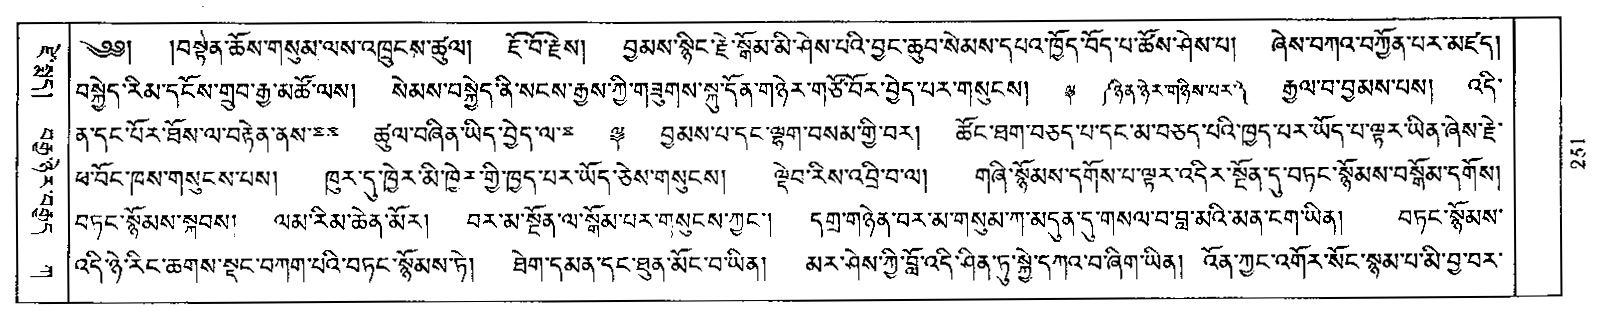༄༅། །བསྟན་ཆོས་གསུམ་ལས་འཁྲུངས་ཚུལ། ཇོ་བོ་རྗེས། བྱམས་སྙིང་རྗེ་སྒོམ་མི་ཤེས་པའི་བྱང་ཆུབ་སེམས་དཔའ་ཁྱོད་བོད་པ་ཚོས་ཤེས་པ། ཞེས་བཀའ་བཀྱོན་པར་མཛད།
བསྐྱེད་རིམ་དངོས་གྲུབ་རྒྱ་མཚོ་ལས། སེམས་བསྐྱེད་ནི་སངས་རྒྱས་ཀྱི་གཟུགས་སྐུ་དོན་གཉེར་གཙོ་བོར་བྱེད་པར་གསུངས། ༈ ཉིན་ཉེར་གཉིས་པར྄་རྒྱལ་བ་བྱམས་པས། འདི་
ན་དང་པོར་ཐོས་ལ་བརྟེན་ནས་྾་྾་ཚུལ་བཞིན་ཡིད་བྱེད་ལ་྾་༈ བྱམས་པ་དང་ལྷག་བསམ་གྱི་བར། ཚོང་ཐག་བཅད་པ་དང་མ་བཅད་པའི་ཁྱད་པར་ཡོད་པ་ལྟར་ཡིན་ཞེས་རྗེ་
ཕ་བོང་ཁས་གསུངས་པས། ཁུར་དུ་ཁྱེར་མི་ཁྱེར་གྱི་ཁྱད་པར་ཡོད་ཅེས་གསུངས། ལྡེབ་རིས་འབྲི་བ་ལ། གཞི་སྙོམས་དགོས་པ་ལྟར་འདིར་སྔོན་དུ་བཏང་སྙོམས་བསྒོམ་དགོས།
བཏང་སྙོམས་སྐབས། ལམ་རིམ་ཆེན་མོར། བར་མ་སྔོན་ལ་སྒོམ་པར་གསུངས་ཀྱང་། དགྲ་གཉེན་བར་མ་གསུམ་ཀ་མདུན་དུ་གསལ་བ་བླ་མའི་མན་ངག་ཡིན། བཏང་སྙོམས་
འདི་ཉེ་རིང་ཆགས་སྡང་བཀག་པའི་བཏང་སྙོམས་ཏེ། ཐེག་དམན་དང་ཐུན་མོང་བ་ཡིན། མར་ཤེས་ཀྱི་བློ་འདི་ཤིན་ཏུ་སྐྱེ་དཀའ་བ་ཞིག་ཡིན། འོན་ཀྱང་འགོར་སོང་སྙམ་པ་མི་བྱ་བར་